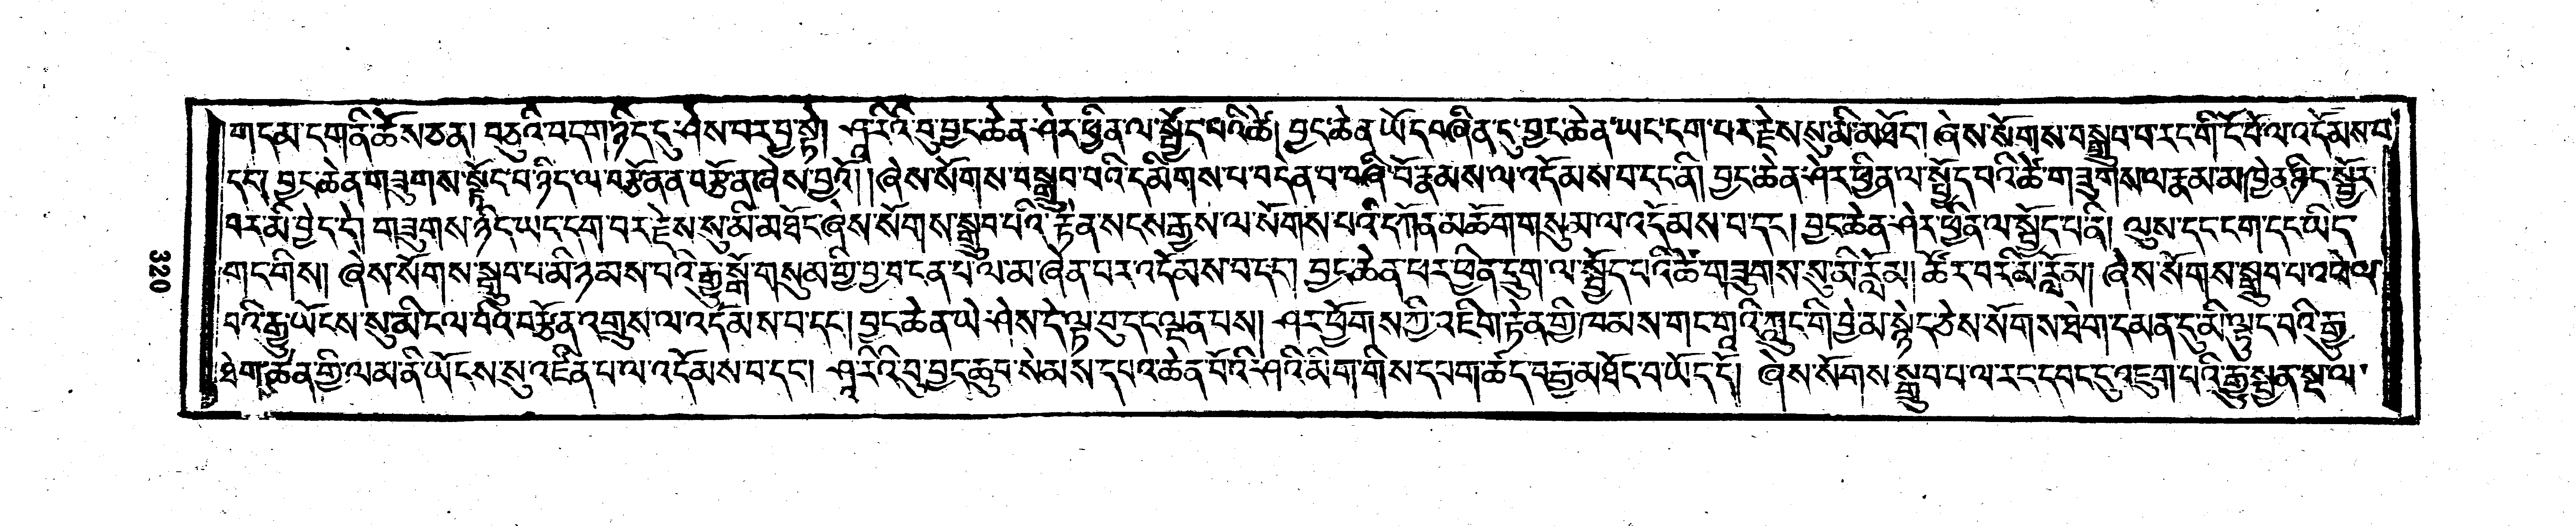གདམ་ངག་ནི་ཆོས་ཅན། བཅུའི་བདག་ཉིད་དུ་ཤེས་པར་བྱ་སྟེ། ཤཱ་རིའི་བུ་བྱང་ཆེན་ཤེར་ཕྱིན་ལ་སྤྱོད་པའི་ཚེ། བྱང་ཆེན་ཡོད་བཞིན་དུ་བྱང་ཆེན་ཡང་དག་པར་རྗེས་སུ་མི་མཐོང་། ཞེས་སོགས་བསྒྲུབ་པ་རང་གི་ངོ་བོ་ལ་འདོམས་པ་
དང་། བྱང་ཆེན་གཟུགས་སྟོང་པ་ཉིད་ལ་བརྩོན་ན་བརྩོན་ཞེས་བྱའོ། །ཞེས་སོགས་བསྒྲུབ་པའི་དམིགས་པ་བདེན་པ་བཞི་པོ་རྣམས་ལ་འདོམས་པ་དང་ནི། བྱང་ཆེན་ཤེར་ཕྱིན་ལ་སྤྱོད་པའི་ཚེ་གཟུགས་ལ་རྣམ་མཁྱེན་ཉིད་སྦྱོར་
བར་མི་བྱེད་དེ། གཟུགས་ཉིད་ཡང་དག་པར་རྗེས་སུ་མི་མཐོང་ཞེས་སོགས་སྒྲུབ་པའི་རྟེན་སངས་རྒྱས་ལ་སོགས་པའི་དཀོན་མཆོག་གསུམ་ལ་འདོམས་པ་དང་། བྱང་ཆེན་ཤེར་ཕྱིན་ལ་སྤྱོད་པ་ནི། ལུས་དང་ངག་དང་ཡིད་
གང་གིས། ཞེས་སོགས་སྒྲུབ་པ་མི་ཉམས་པའི་རྒྱུ་སྒོ་གསུམ་གྱི་བྱ་བ་ངན་པ་ལ་མ་ཞེན་པར་འདོམས་པ་དང་། བྱང་ཆེན་ཕར་ཕྱིན་དྲུག་ལ་སྤྱོད་པའི་ཚེ་གཟུགས་སུ་མི་རློམ། ཚོར་བར་མི་རློམ། ཞེས་སོགས་སྒྲུབ་པ་འཕེལ་
བའི་རྒྱུ་ཡོངས་སུ་མི་ངལ་བའི་བརྩོན་འགྲུས་ལ་འདོམས་པ་དང་། བྱང་ཆེན་ཡེ་ཤེས་དེ་ལྟ་བུ་དང་ལྡན་པས། ཤར་ཕྱོགས་ཀྱི་འཇིག་རྟེན་གྱི་ཁམས་གང་གཱའི་ཀླུང་གི་བྱེ་མ་སྙེད་ཅེས་སོགས་ཐེག་དམན་དུ་མི་ལྟུང་བའི་རྒྱུ་
ཐེག་ཆེན་གྱི་ལམ་ནི་ཡོངས་སུ་འཛིན་པ་ལ་འདོམས་པ་དང་། ཤ་རིའི་བུ་བྱང་ཆུབ་སེམས་དཔའ་ཆེན་པོའི་ཤའི་མིག་གིས་དཔག་ཚད་བརྒྱ་མཐོང་བ་ཡོད་དེ། ཞེས་སོགས་སྒྲུབ་པ་ལ་རང་དབང་དུ་འཇུག་པའི་རྒྱུ་སྤྱན་སྔ་ལ་